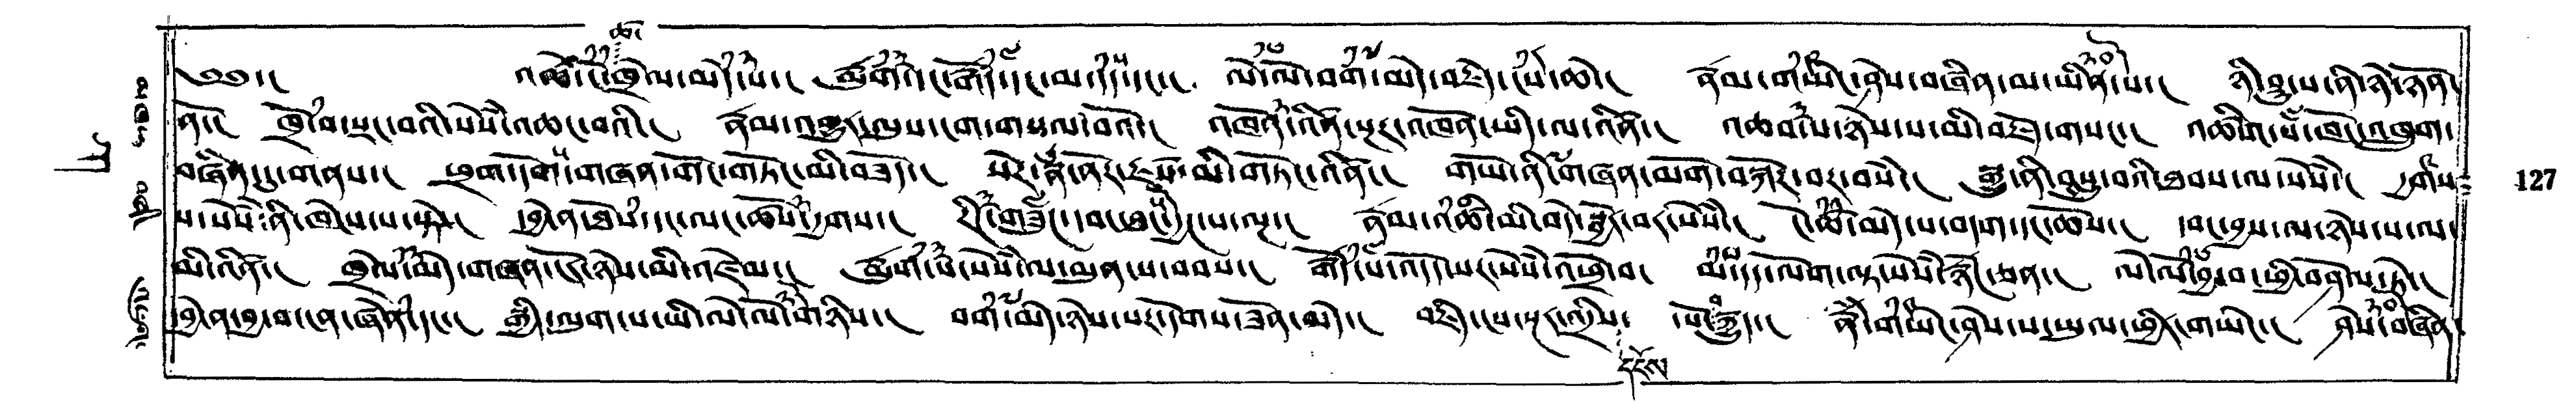འཚེ་ངོ་ཚ་ཁྲེལ་མེད་པ། །རྨུགས་དང་རྒོད་དང་མ་དད་དང་། །ལེ་ལོ་བག་མེད་བརྗེད་ངས་ཆེ། །རྣམ་གཡེང་ཤེས་བཞིན་མ་ཡིན་པ། །ཉི་ཤུ་པ་ནི་ཉེ་ཉོན་
ནོ། །ཁྲོ་བ་སྡང་བའི་སེམས་འཆང་བའི། །རྣམ་འགྱུར་ལུས་ངག་གསལ་བའོ། །འཁོན་འཛིན་སྔར་འཁོན་ཡིད་ལ་འཛིན། །འཆབ་པ་ཉེས་པ་མི་བརྗོད་གསང་། །འཚིག་པ་ཁོང་འཁྲུག་
བཞིན་དུ་གནས། །ཕྲག་དོག་གཞན་གོང་གཏོང་མི་བཟོད། །སེར་སྣ་ནོར་རྫས་མི་གཏོང་འཛིན། །གཡོ་ནི་གཞན་མགོ་བསྐོར་བར་བསམ། །སྒྱུ་ནི་བསླུ་བའི་ཐབས་ལ་སེམས། །རྒྱགས་
པ་སེམས་ནི་ཁེངས་པ་སྟེ། །དབྱེ་ན་ཐོས་དང་ལང་ཚོས་རྒྱགས། །རིགས་གཟུགས་དབང་ཐང་རྒྱགས་པ་ལྔ། །རྣམ་འཚེ་མི་བདེ་སྦྱོར་བར་སེམས། །ངོ་ཚ་མེད་པ་བདག་དང་ཆོས། །དབང་བྱས་ཉེས་པ་ལ་
མི་ལེན། །ཁྲེལ་མེད་གཞན་ངོར་ཉེས་མི་འཛེམ། །རྨུགས་པ་སེམས་ལ་མུན་པ་བབས། །རྒོད་པ་འདོད་སར་སེམས་འཕྲོ་བ། །མ་དད་ལོག་ལྟ་སེམས་རྙོག་ཅན། །ལེ་ལོ་བྱ་བ་ཕྱི་བཤོལ་ཏེ། །
དབྱེ་ན་བྱ་བ་ངན་ཞེན་དང་། །སྒྱིད་ལུག་པ་ཡི་ལེ་ལོ་གཉིས། །བག་མེད་ཉེས་པར་དོགས་ཟོན་མེད། །བརྗེད་ངས་སྔར་འདྲིས་དངོས་པོ་བསྐྱུད། །རྣམ་གཡེང་ཤེས་པ་ཡུལ་ཕྱིར་གཡེང་། །ཤེས་བཞིན་